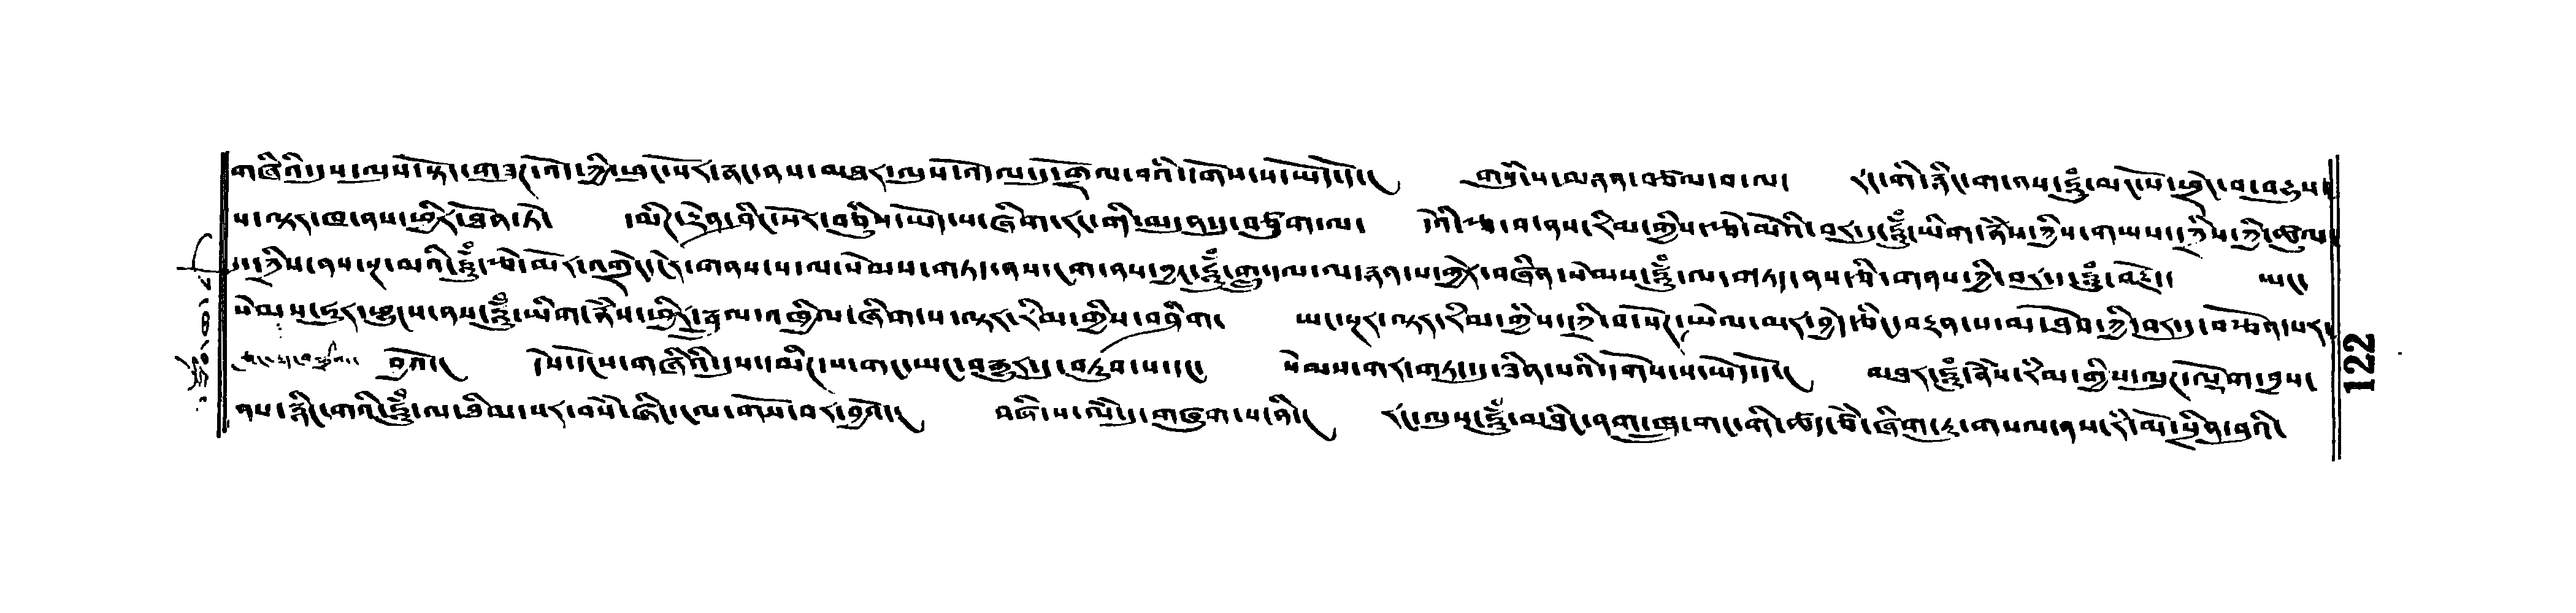གཞིའི་དུས་ལུས་སྟོང་གཟུགས་འོད་ཀྱི་ཕུང་པོར་སྣང་ནས་མཐར་ལུས་འོད་གསལ་དུ་གྲོལ་བའི་དགོས་པ་ཡོད་དོ། གསུམ་པ་མཉན་བཙལ་བ་ལ། རང་གི་སྙིང་ག་ནས་ཧཱུྃ་མང་པོ་ཕྲེང་བ་བརྒྱུས་
པ་ལྟར་ཁ་ནས་ཕྱིར་ཐོན་ཏོ། དམིགས་རྟེན་ཤིང་སོར་བཅུ་གཉིས་ཡོད་པ་ཞིག་རང་གི་མདུན་དུ་བཙུགས་ལ། དེའི་རྩ་བ་ནས་རིམ་གྱིས་རྩེ་མོའི་བར་དུ་ཧཱུྃ་ཡིག་རྣམས་ཀྱིས་གཡས་དཀྲིས་ཀྱིས་ཚུལ་
དུ་དཀྲིས་ནས་སྔ་མའི་ཧཱུྃ་རྩེ་མོར་འགྲེང་ངེར་གནས་པ་ལ་སེམས་གཏད་ནས་ངག་ནས་ཀྱང་ཧཱུྃ་གླུ་དལ་ལ་སྙན་པ་གྱེར་བཞིན་སེམས་ཧཱུྃ་ལ་གཏད་ནས་ཅི་གནས་ཀྱི་བར་དུ་ཧཱུྃ་བརྗོད། ཡང་
སེམས་ཧུར་ཕྱུང་ནས་ཧཱུྃ་ཡིག་རྣམས་ཕྱིར་སྦྲུལ་འཁྱིལ་ཞིག་པ་ལྟར་རིམ་གྱིས་བཤིགཡང་སྔར་ལྟར་རིམ་གྱིས་དཀྲི་བ་སོགས་སྤེལ་མར་བྱེད་ཅིང་བརྟན་པ་མ་ཐོབ་ཀྱི་བར་དུ་བརྩོན་པར་
ཆུ་དང་འཕྲིས་ བྱའོ། དེས་དངོས་གཞིའི་དུས་དམིགས་པ་གང་ཡང་བསྒྱུར་དུ་བཏུབ་པ་དང་། སེམས་གར་གཏད་དུ་ཟིན་པའི་དགོས་པ་ཡོད་དོ། མཐར་ཧཱུཾ་རྣམས་རིམ་གྱིས་ལུགས་ལྡོག་བྱས་
ནས་སྙིང་གའི་ཧཱུྃ་ལ་ཐིམ་པར་བསམ་ཞིང་ངལ་གསོ་བར་བྱའོ། བཞི་བ་ལམ་དུ་གཞུག་པ་ནི། རང་ལུས་ཧཱུྃ་མཐིང་ནག་ཁྲུ་གང་གི་ཚད་་ ཙམ་ཞིག་ཏུ་གསལ་ནས་རི་མོ་སྲིན་བུའི་